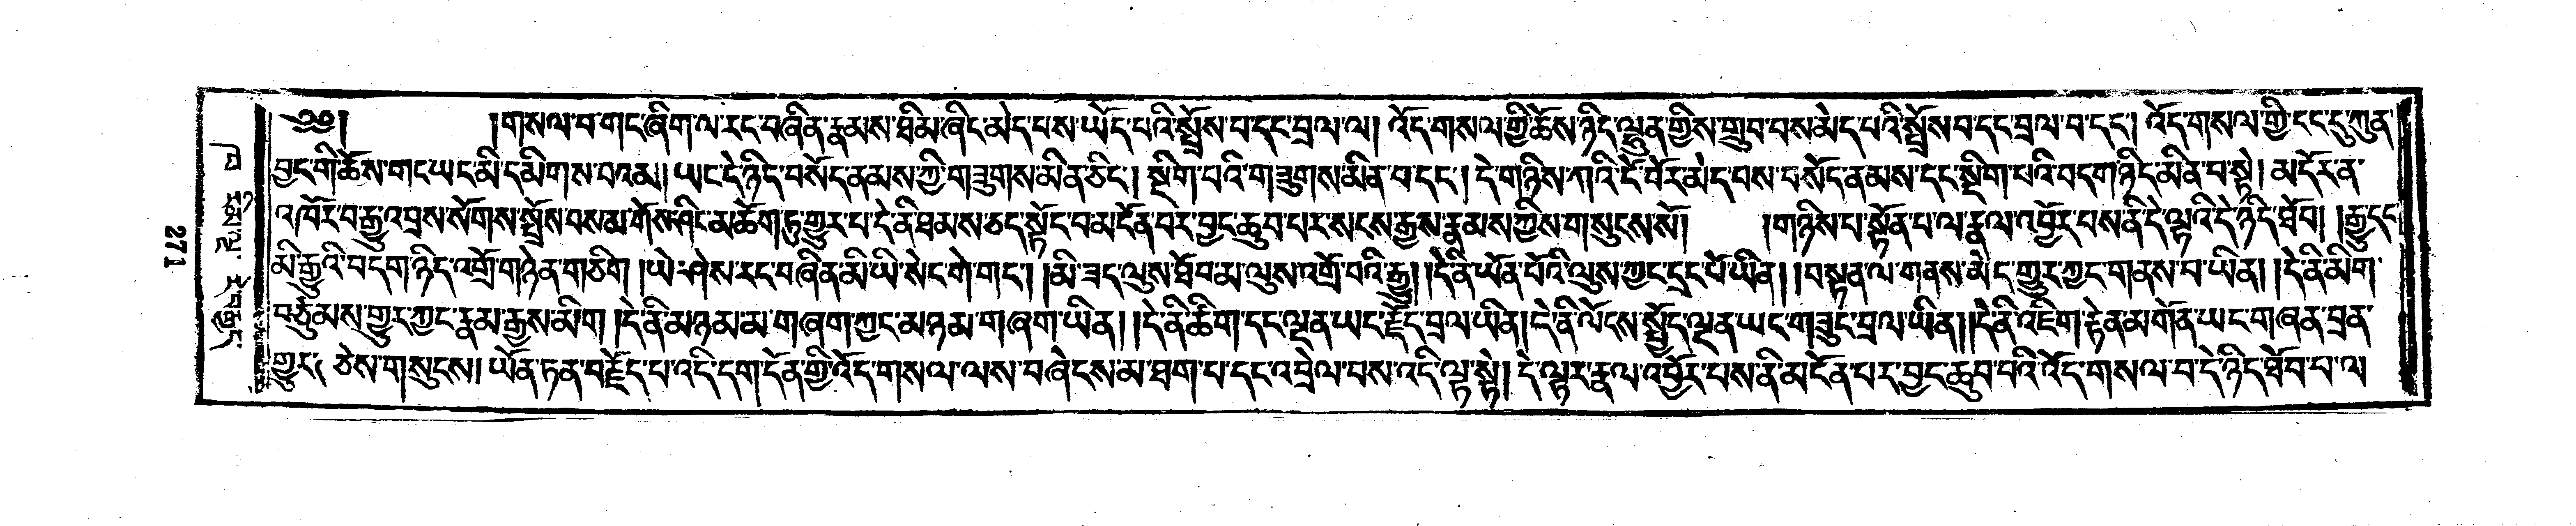༄༅། །གསལ་བ་གང་ཞིག་ལ་རང་བཞིན་རྣམས་ཐིམ་ཞིང་མེད་པས་ཡོད་པའི་སྤྲོས་པ་དང་བྲལ་ལ། འོད་གསལ་གྱི་ཆོས་ཉིད་ལྷུན་གྱིས་གྲུབ་པས་མེད་པའི་སྤྲོས་པ་དང་བྲལ་བ་དང་། འོད་གསལ་གྱི་ངང་དུ་ཀུན་
བྱང་གི་ཆོས་གང་ཡང་མི་དམིགས་པའམ། ཡང་དེ་ཉིད་བསོད་ནམས་ཀྱི་གཟུགས་མིན་ཅིང་། སྡིག་པའི་གཟུགས་མིན་པ་དང་། དེ་གཉིས་ཀའི་ངོ་བོར་མེད་པས་བསོད་ནམས་དང་སྡིག་པའི་བདག་ཉིད་མིན་པ་སྟེ། མདོར་ན་
འཁོར་བ་རྒྱུ་འབྲས་སོགས་སྤྲོས་པས་མ་གོས་ཤིང་། མཆོག་ཏུ་གྱུར་པ་དེ་ནི་ཐམས་ཅད་སྟོང་པ་མངོན་པར་བྱང་ཆུབ་པར་སངས་རྒྱས་རྣམས་ཀྱིས་གསུངས་སོ། །གཉིས་པ་སྟོན་པ་ལ། རྣལ་འབྱོར་པས་ནི་དེ་ལྟའི་དེ་ཉིད་ཐོབ། །རྒྱུ་དང་
མི་རྒྱུའི་བདག་ཉིད་འགྲོ་གཉེན་གཅིག །ཡེ་ཤེས་རང་བཞིན་མི་ཡི་སེང་གེ་གང་། །མི་ཟད་ལུས་ཐོབ་མ་ལུས་འགྲོ་བའི་རྒྱུ། །དེ་ནི་ཡོན་པོའི་ལུས་ཀྱང་དྲང་པོ་ཡིན། །བསྟན་ལ་གནས་མེད་གྱུར་ཀྱང་གནས་པ་ཡིན། །དེ་ནི་མིག་
བཙུམས་གྱུར་ཀྱང་རྣམ་རྒྱས་མིག །དེ་ནི་མཉམ་མ་གཞག་ཀྱང་མཉམ་གཞག་ཡིན། །དེ་ནི་ཚིག་དང་ལྡན་ཡང་རྗོད་བྲལ་ཡིན། །དེ་ནི་ལོངས་སྤྱོད་ལྡན་ཡང་གཟུང་བྲལ་ཡིན། །དེ་ནི་འཇིག་རྟེན་མགོན་ཡང་གཞན་བྲན་
གྱུར། ཅེས་གསུངས། ཡོན་ཏན་བརྗོད་པ་འདི་དག་དོན་གྱི་འོད་གསལ་ལས་བཞེངས་མ་ཐག་པ་དང་འབྲེལ་བས་འདི་ལྟ་སྟེ། དེ་ལྟར་རྣལ་འབྱོར་པས་ནི་མངོན་པར་བྱང་ཆུབ་པའི་འོད་གསལ་བ་དེ་ཉིད་ཐོབ་པ་ལ་